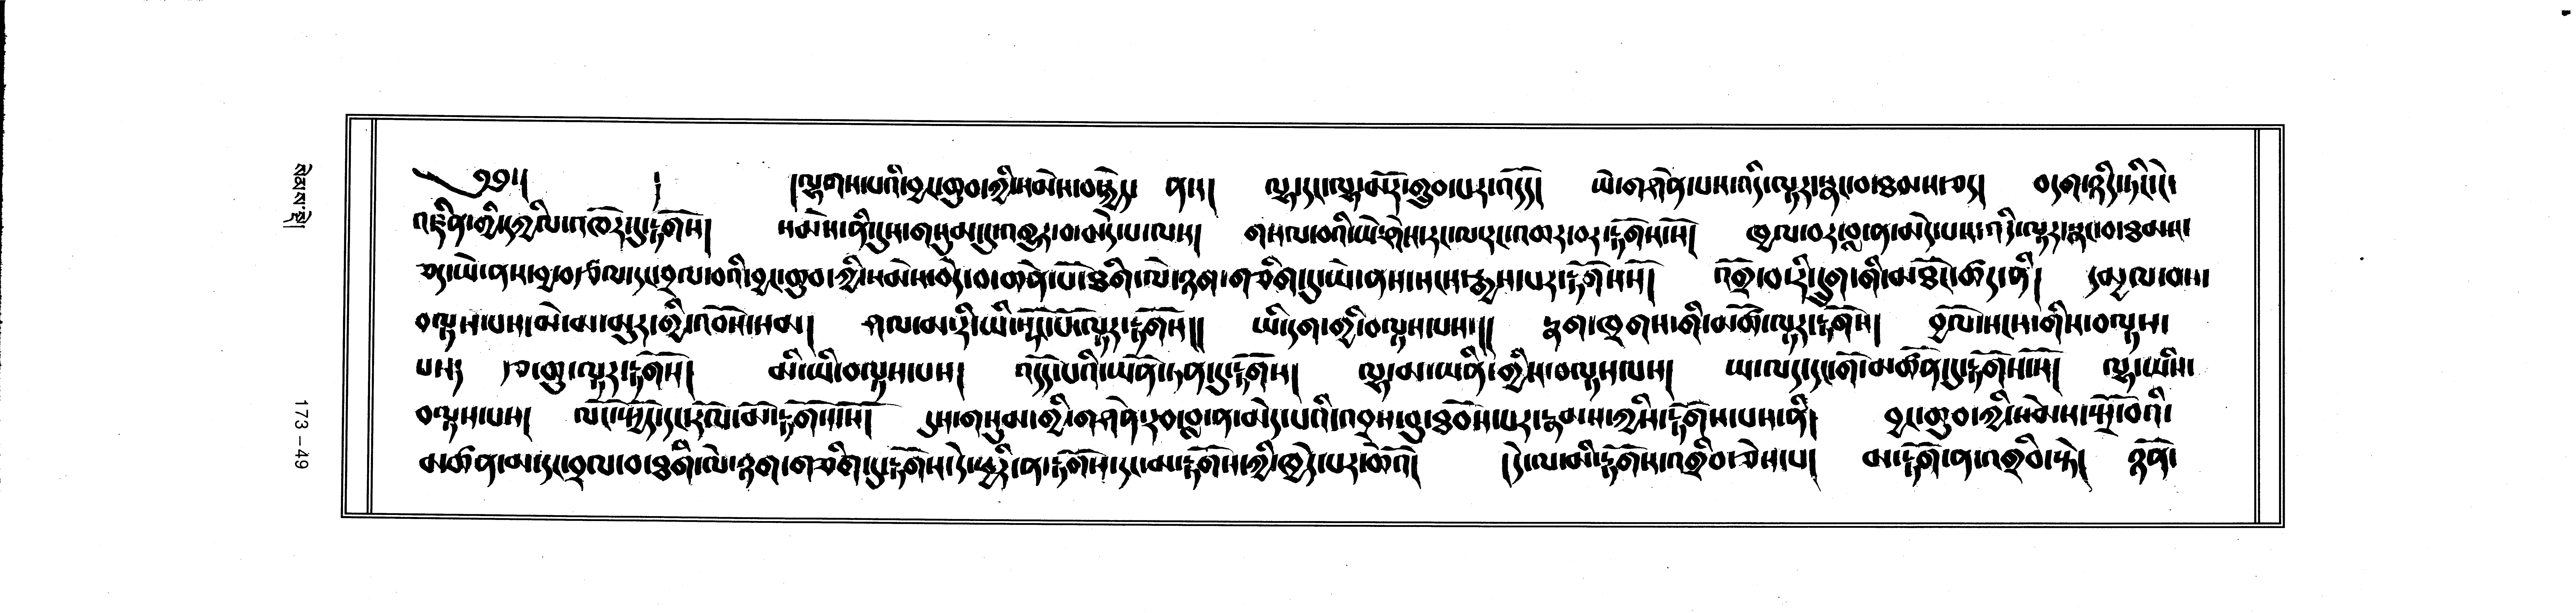ལྷག་པར་བྱང་ཆུབ་སེམས་བསྐྱེད་ནས། ལྷ་དང་ལྷ་མོར་གྲུབ་པར་འདོད། ཡེ་གཤེན་པས་འདི་ལྟར་སྣང་བ་ཐམས་ཅད་བདག་ཉིད་ཏིང་ངེ་
འཛིན་གྱི་དཀྱིལ་འཁོར་དུ་རྟོགས། སེམས་ནི་དུས་གསུམ་དུ་འགྱུར་བ་མེད་པ་ལས། གསལ་བའི་ཡེ་ཤེས་རང་ལ་རང་འཆར་བར་རྟོགས་སོ། ཁྱལ་བར་བླ་ན་མེད་པས་འདི་ལྟར་སྣང་བ་ཐམས་
ཅད་ཡེ་ནས་བྱ་བརྩལ་དང་བྲལ་བའི་བྱང་ཆུབ་ཀྱི་སེམས་བདེ་བ་ཆེན་པོ་ཐིག་ལེ་ཉག་ཅིག་ཏུ་ཡེ་ནས་སངས་རྒྱས་པར་རྟོགས་སོ། །འགྲོ་བ་རིགས་དྲུག་གི་མཐོང་ཚད་ནི། དམྱལ་བས་
བལྟས་པས་མེ་མ་མུར་གྱི་འོབས་སམ། ཤལ་མ་རི་ཡི་སྡོང་པོ་ལྟར་རྟོགས། ཡི་དྭགས་ཀྱིས་བལྟས་པས། རྣག་ཁྲག་གི་མཚོ་ལྟར་རྟོགས། བྱོལ་སོང་གིས་བལྟས་
པས། རྩ་ཆུ་ལྟར་རྟོགས། མི་ཡིས་བལྟས་པས། འདོད་པའི་ཡོན་ཏན་དུ་རྟོགས། ལྷ་མ་ཡིན་གྱིས་བལྟས་པས། ཡ་ལད་དང་གོ་མཚོན་དུ་རྟོགས་སོ། ལྷ་ཡིས་
བལྟས་པས་ལོངས་སྤྱོད་དང་རོལ་མོར་རྟོགས་སོ། །དུས་གསུམ་གྱི་གཤེན་རབ་བླ་ན་མེད་པའི་འབྲས་བུ་ཐོབ་པར་རྣམས་ཀྱིས་རྟོགས་པས་ནི། བྱང་ཆུབ་ཀྱི་སེམས་སྤྲོ་བའི་
མཚན་མ་དང་བྲལ་བ་ཐིག་ལེ་ཉག་གཅིག་དུ་རྟོགས་དེ་ཕྱིར་ན་རྟོགས་དང་མ་རྟོགས་ཀྱི་ཁྱད་པར་ཆེའོ། །དེ་ལ་མི་རྟོག་འགྲིབ་ཅེས་པ། མ་རྟོགས་ན་འགྲིབ་སྟེ། ཉོན་